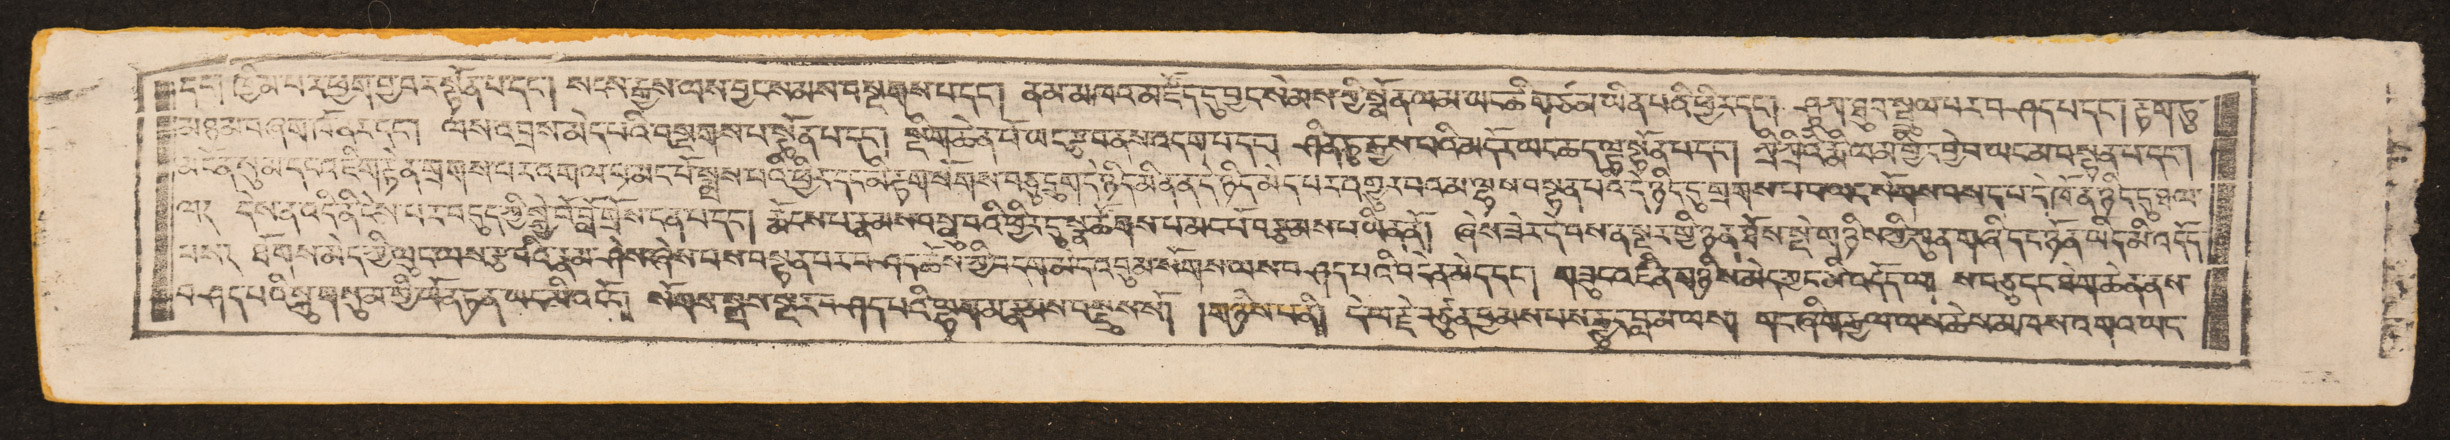དང་། ཁྱིམ་པར་ཕྱག་བྱ་བར་སྟོན་པ་དང་། སངས་རྒྱས་ལས་བྱང་སེམས་བསྔགས་པ་དང་། ནམ་མཁའ་མཛོད་དུ་བྱང་སེམས་ཀྱི་སྨོན་ལམ་ཡང་ཚིག་ཙམ་ཡིན་པའི་ཕྱིར་དང་། ཤཱཀ་ཐུབ་སྤྲུལ་པར་བཤད་པ་དང་། རྟག་ཏུ་
མཉམ་བཞག་ཁོ་ནར་དང་། ལས་འབྲས་མེད་པའི་བསྔགས་པ་སྟོན་པ་དང་། སྡིག་ཆེན་པོ་ཡང་རྩ་བ་ནས་འདག་པ་དང་། ཤིན་ཏུ་རྒྱས་པའི་མདོར་ཡང་ཆད་ལྟ་སྟོན་པ་དང་། ཀྲི་ཀྲིའི་རྨི་ལམ་གྱི་དབྱེ་བ་ཡང་མ་བསྟན་པ་དང་།
མངོན་སུམ་དང་འཇིག་རྟེན་གྲགས་པར་འགལ་པ་མང་པོ་སྨྲས་པའི་ཕྱིར་དང་མི་རྟག་སོགས་བཅུ་དྲུག་དེ་ཉིད་མིན་ན་དེ་ཉིད་མེད་པར་འགྱུར་པའམ་ལྷས་བསྟན་པའི་དེ་ཉིད་དུ་གྲགས་པ་བ་ལང་སོགས་བསད་པ་དེ་ཁོ་ན་ཉིད་དུ་ཐལ་
ལ༑ དེས་ན་འདི་ནི་ངེས་པར་བདུད་ཀྱི་སྐྱེ་བོ་བློ་གྲོས་ངན་པ་དང་། རྨོངས་པ་རྣམས་བསླུ་བའི་ཕྱིར་དུ་སྣ་ཚོགས་པ་མང་པོ་བརྩམས་པ་ཡིན་ནོ། ཞེས་ཟེར་དེ་བས་ན་སྔར་གྱི་ཉན་ཐོས་སྡེ་གཉིས་ཀྱི་ཀུན་གཞི་དང་ཉོན་ཡིད་མི་འདོད་
པས༑ ཐོགས་མེད་ཀྱི་ལུང་ལས་རྩ་བའི་རྣམ་ཤེས་ཞེས་པས་བསྟན་པར་བཤད་ཆོས་ཀྱི་བདག་མེད་འབུམ་སོགས་ལས་བཤད་པའི་བདེན་མེད་དང་། གཟུང་འཛིན་གཉིས་མེད་ཀྱང་མི་འདོད་ལ། ས་བཅུ་དང་ཐེག་ཆེན་ནས་
བཤད་པའི་སྐུ་གསུམ་གྱི་ཡོན་ཏན་ཡང་མི་འདོད། སོགས་སྒྲས་སྔར་བཤད་པའི་ལྷག་མ་རྣམས་བསྡུས་སོ། །གཉིས་པ་ནི། དེ་ལ་རྗེ་བཙུན་བྱམས་པས་རྒྱུད་བླ་མ་ལས། གང་ཞིག་རྒྱལ་ལས་ཆེས་མཁས་འྐའ་ཡང་